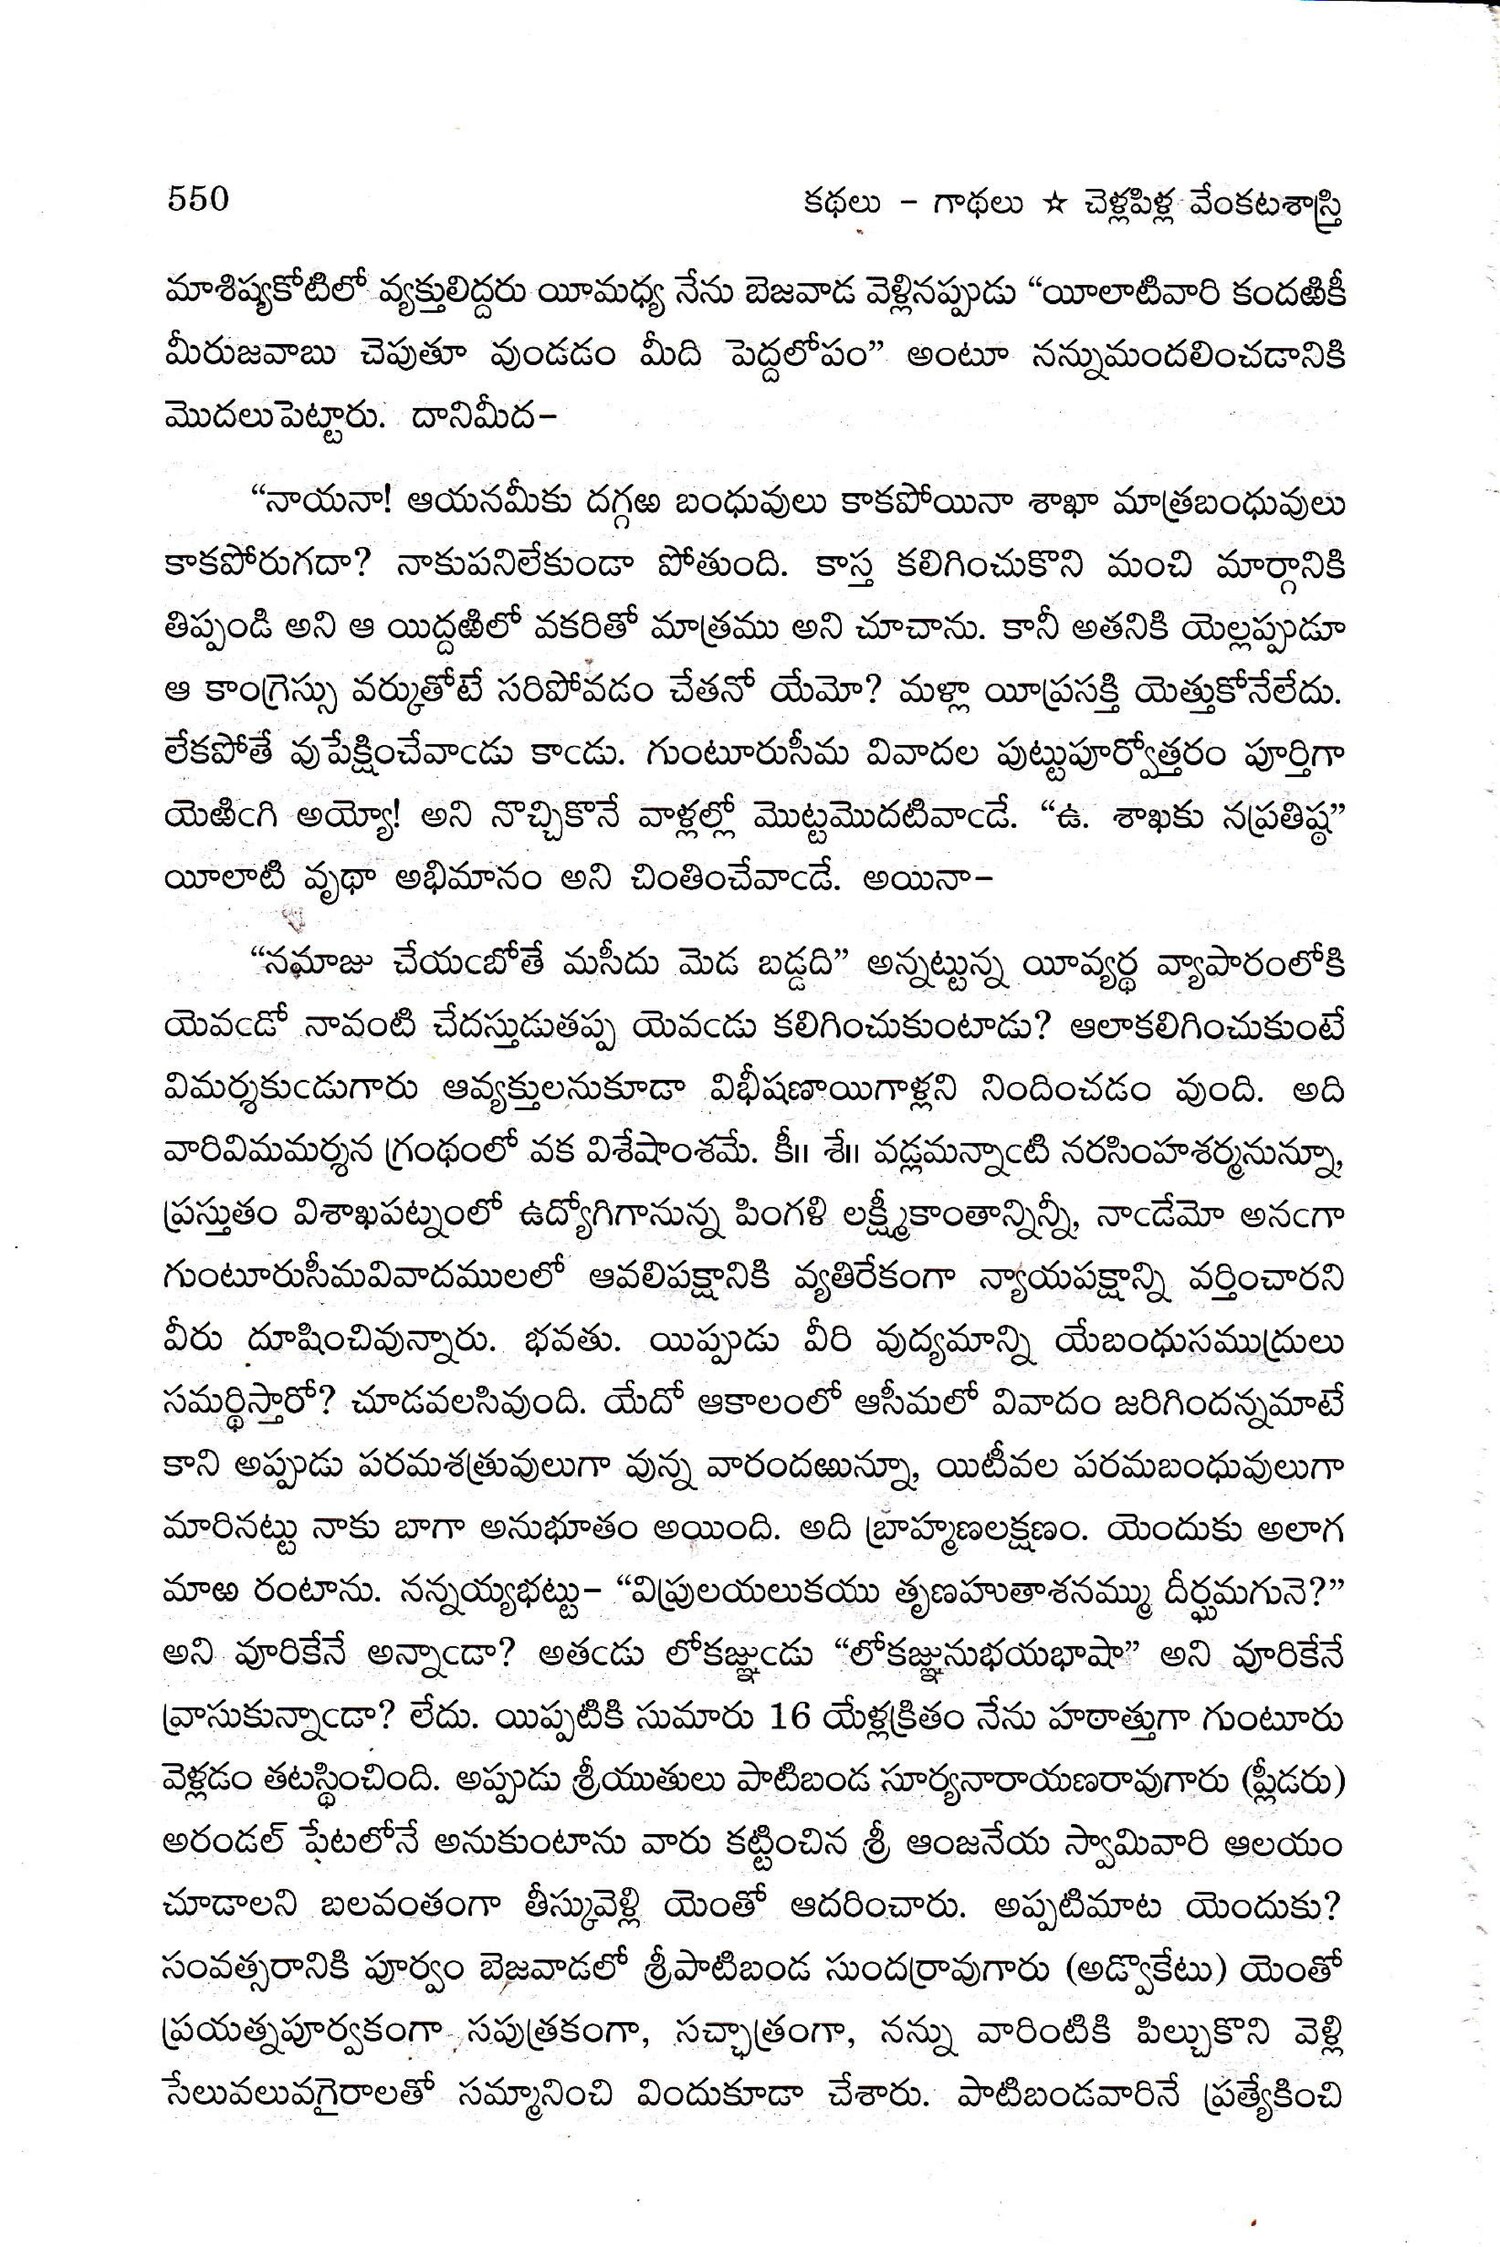మాశిష్యకోటిలో వ్యక్తులిద్దరు యీమధ్య నేను బెజవాడ వెళ్లినప్పుడు “యీలాటివారి కందఱికీ మీరుజవాబు చెపుతూ వుండడం మీది పెద్దలోపం" అంటూ నన్నుమందలించడానికి మొదలుపెట్టారు. దానిమీద-

"నాయనా! ఆయనమీకు దగ్గఱ బంధువులు కాకపోయినా శాఖా మాత్రబంధువులు కాకపోరుగదా? నాకుపనిలేకుండా పోతుంది. కాస్త కలిగించుకొని మంచి మార్గానికి తిప్పండి అని ఆ యిద్దఱిలో వకరితో మాత్రము అని చూచాను. కానీ అతనికి యెల్లప్పుడూ ఆ కాంగ్రెస్సు వర్కుతోటే సరిపోవడం చేతనో యేమో? మళ్లా యీప్రసక్తి యెత్తుకోనేలేదు. లేకపోతే వుపేక్షించేవాఁడు కాఁడు. గుంటూరుసీమ వివాదల పుట్టుపూర్వోత్తరం పూర్తిగా యెఱిఁగి అయ్యో! అని నొచ్చికొనే వాళ్లల్లో మొట్టమొదటివాఁడే, "ఉ. శాఖకు నప్రతిష్ఠ" యీలాటి వృథా అభిమానం అని చింతించేవాఁడే. అయినా - 

"నమాజు చేయఁబోతే మసీదు మెడ బడ్డది" అన్నట్టున్న యీవ్యర్థ వ్యాపారంలోకి యెవఁడో నావంటి చేదస్తుడుతప్ప యెవఁడు కలిగించుకుంటాడు? ఆలాకలిగించుకుంటే విమర్శకుఁడుగారు ఆవ్యక్తులనుకూడా విభీషణాయిగాళ్లని నిందించడం వుంది. అది వారివిమమర్శన గ్రంథంలో వక విశేషాంశమే. కీ|| శే|| వడ్లమన్నాఁటి నరసింహశర్శనున్నూ ప్రస్తుతం విశాఖపట్నంలో ఉద్యోగిగానున్న పింగళి లక్ష్మీకాంతాన్నిన్నీ నాఁడేమో అనఁగా గుంటూరుసీమవివాదములలో ఆవలిపక్షానికి వ్యతిరేకంగా న్యాయపక్షాన్ని వర్తించారని వీరు దూషించివున్నారు. భవతు. యిప్పుడు వీరి వుద్యమాన్ని యేబంధుసముద్రులు సమర్థిస్తారో? చూడవలసివుంది. యేదో ఆకాలంలో ఆసీమలో వివాదం జరిగిందన్నమాటే కాని అప్పుడు పరమశత్రువులుగా వున్న వారందఱున్నూ యిటీవల పరమబంధువులుగా మారినట్టు నాకు బాగా అనుభూతం అయింది. అది బ్రాహ్మణలక్షణం. యెందుకు అలాగ మాఱ రంటాను. నన్నయ్యభట్టు- "విప్రులయలుకయు తృణహుతాశనమ్ము దీర్ఘమగునె?" అని వూరికేనే అన్నాఁడా? అతఁడు లోకజ్ఞుఁడు "లోకజ్ఞునుభయభాషా" అని వూరికేనే వ్రాసుకున్నాఁడా? లేదు. యిప్పటికి సుమారు 16 యేళ్లక్రితం నేను హఠాత్తుగా గుంటూరు వెళ్లడం తటస్థించింది. అప్పుడు శ్రీయుతులు పాటిబండ సూర్యనారాయణరావుగారు (ప్లీడరు) అరండల్ పేటలోనే అనుకుంటాను వారు కట్టించిన శ్రీ ఆంజనేయ స్వామివారి ఆలయం చూడాలని బలవంతంగా తీస్కువెళ్లి యెంతో ఆదరించారు. అప్పటిమాట యెందుకు? సంవత్సరానికి పూర్వం బెజవాడలో శ్రీపాటిబండ సుందర్రావుగారు (అడ్వొకేటు) యెంతో ప్రయత్నపూర్వకంగా సపుత్రకంగా, సచ్ఛాత్రంగా, నన్ను వారింటికి పిల్చుకొని వెళ్లి సేలువలువగైరాలతో సమ్మానించి విందుకూడా చేశారు. పాటిబండవారినే ప్రత్యేకించి